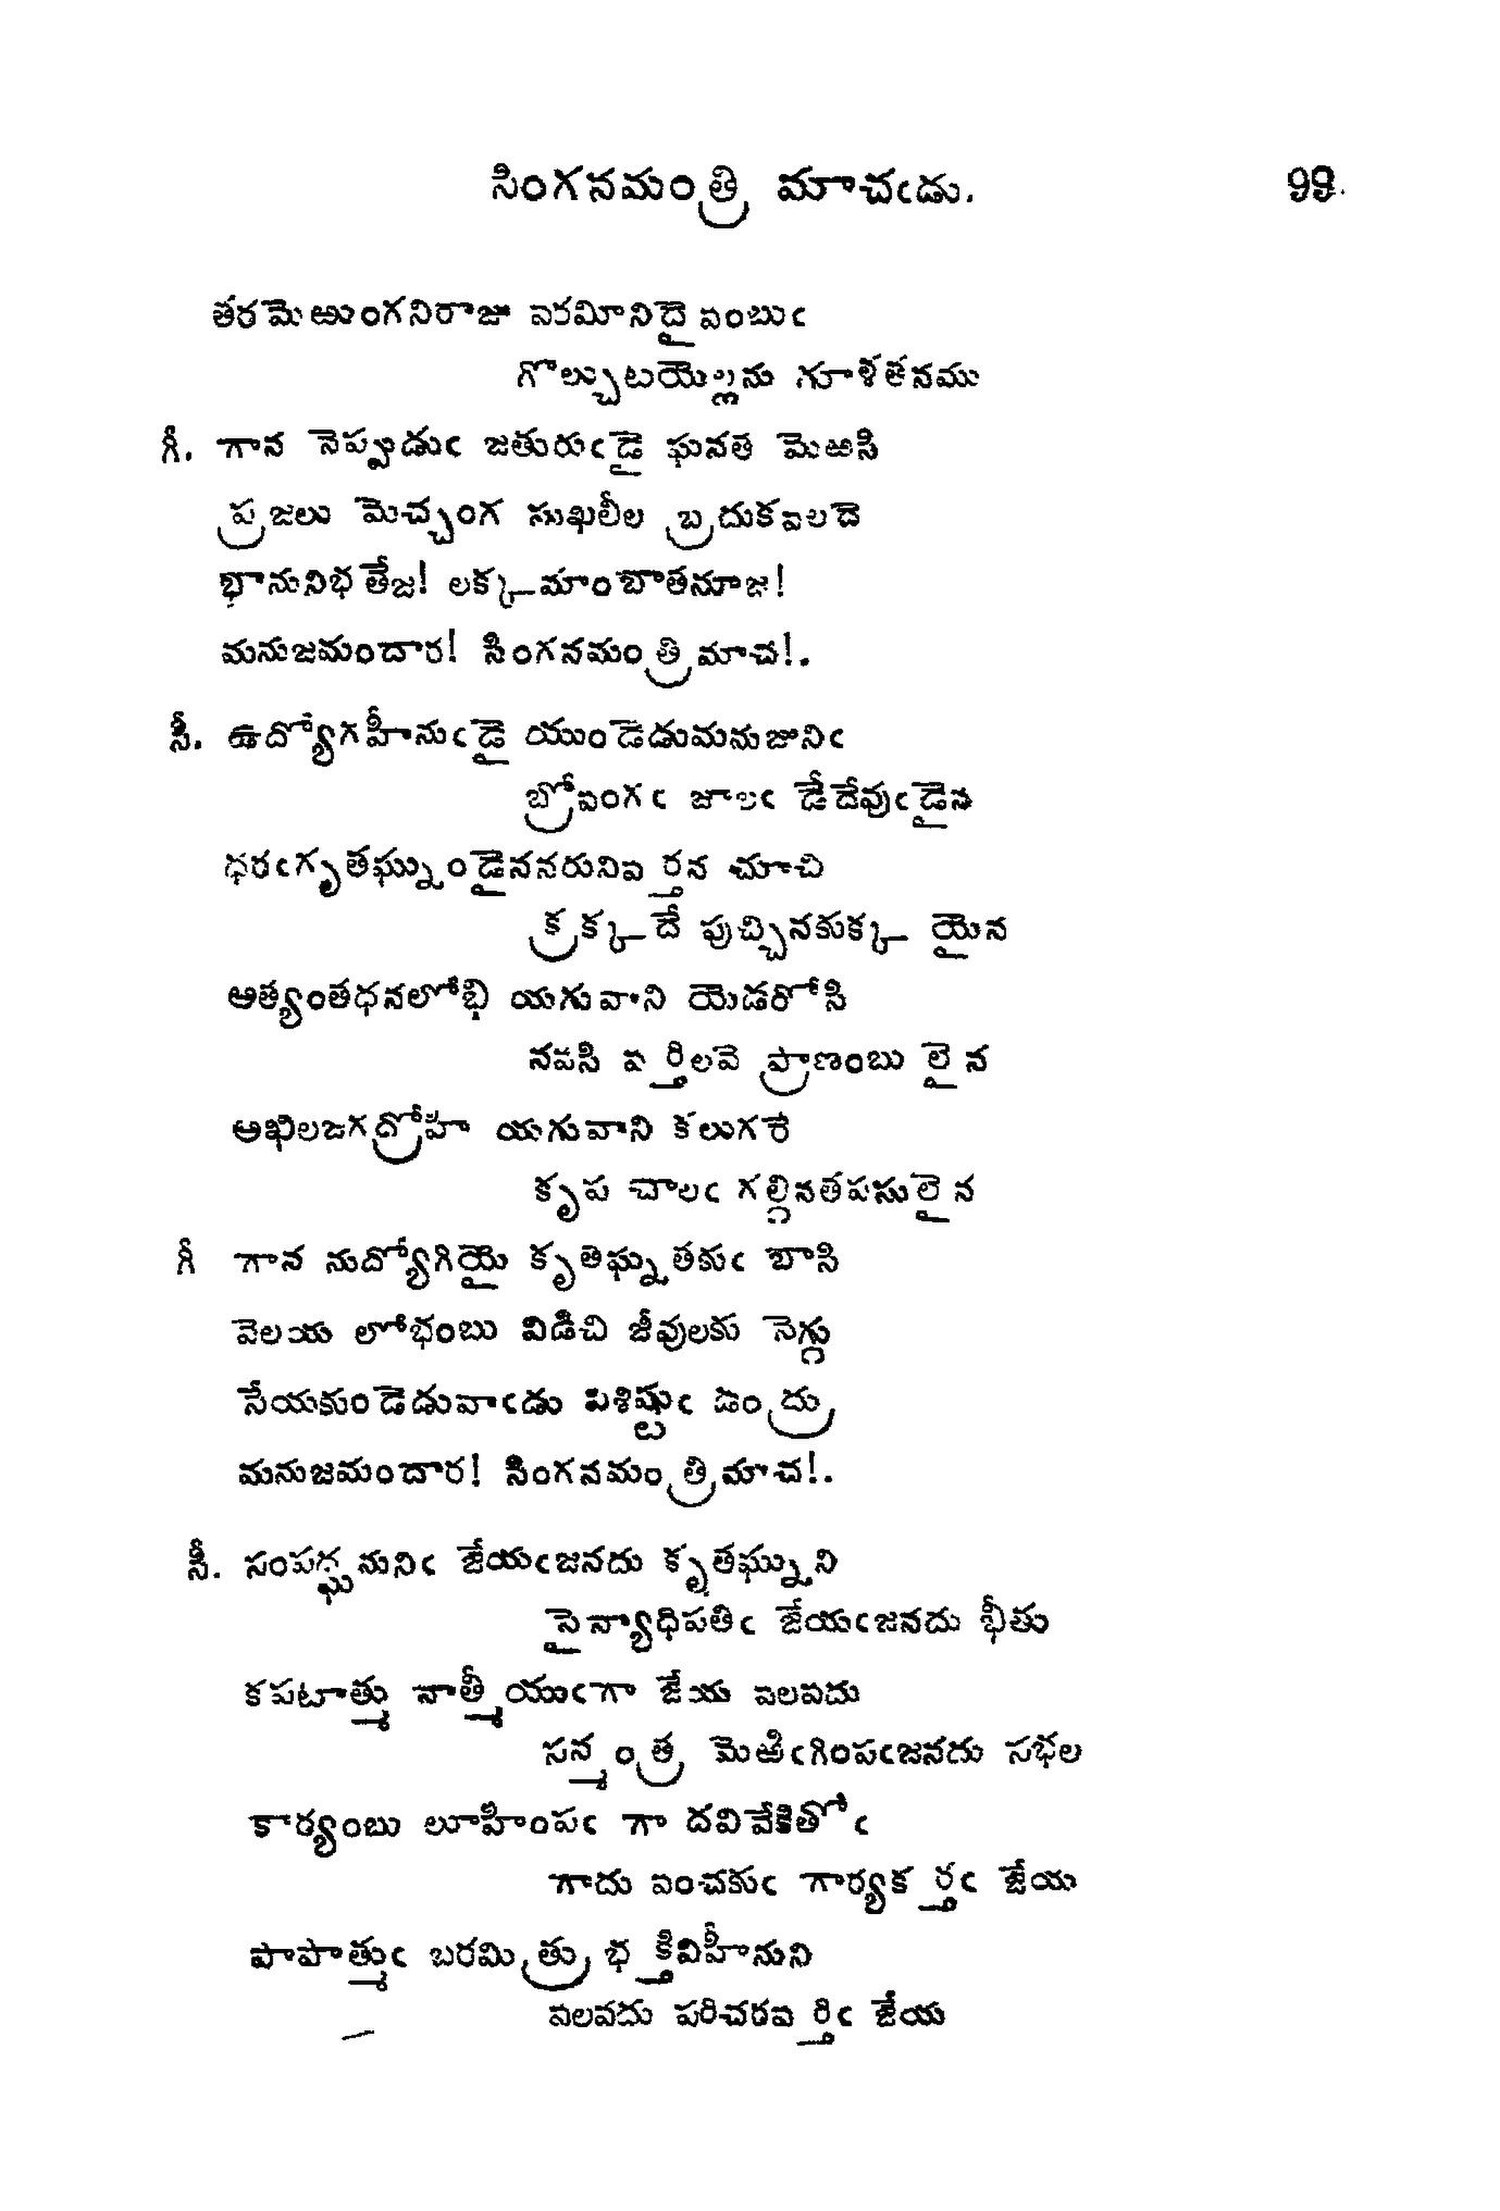తరమెఱుంగనిరాజు వరమీనిదైవంబుఁ
 గొల్చుట యెల్లను గూళతనము
గీ. గాన నెప్పుడుఁ జతురుఁడై ఘనత మెఱసి
 ప్రజలు మెచ్చంగ సుఖలీల బ్రదుకవలదె
 భానునిభతేజ! లక్కమాంబాతనూజ!
 మనుజమందార! సింగనమంత్రిమాచ!
సీ. ఉద్యోగహీనుఁడై యుండెడుమనుజునిఁ
 బ్రోవంగఁ జాలఁ డేదేవుఁడైన
 ధరఁ గృతఘ్నుండైననరునివర్తన చూచి
 క్రక్కదే పుచ్చినకుక్క యైన
 అత్యంతధనలోభి యగువాని యెడరోసి
 నవసి వర్తిలవె ప్రాణంబు లైన
 అఖిలజగద్రోహి యగువాని కలుగరే
 కృప చాలఁ గల్గిన తపసులైన
గీ. గాన నుద్యోగియై కృతఘ్నతకుఁ బాసి
 వెలయ లోభంబు విడిచి జీవులకు నెగ్గు
 సేయకుండెడువాఁడు విశిష్టుఁ డంద్రు
 మనుజమందార! సింగనమంత్రిమాచ!
సీ. సంపద్ఘనునిఁ జేయఁజనదు కృతఘ్నుని
 సైన్యాధిపతిఁ జేయఁజనదు భీతు
 కపటాత్ము నాత్మీయుఁగాఁ జేయ వలవదు
 సన్మంత్ర మెఱిఁగింపఁజనదు సభల
 కార్యంబు లూహింపఁ గా దవివేకితోఁ
 గాదు వంచకుఁ గార్యకర్తఁ జేయ
 పాపాత్ముఁ బరమిత్రు భక్తివిహీనుని
 వలవదు పరిచరవర్తిఁ జేయ